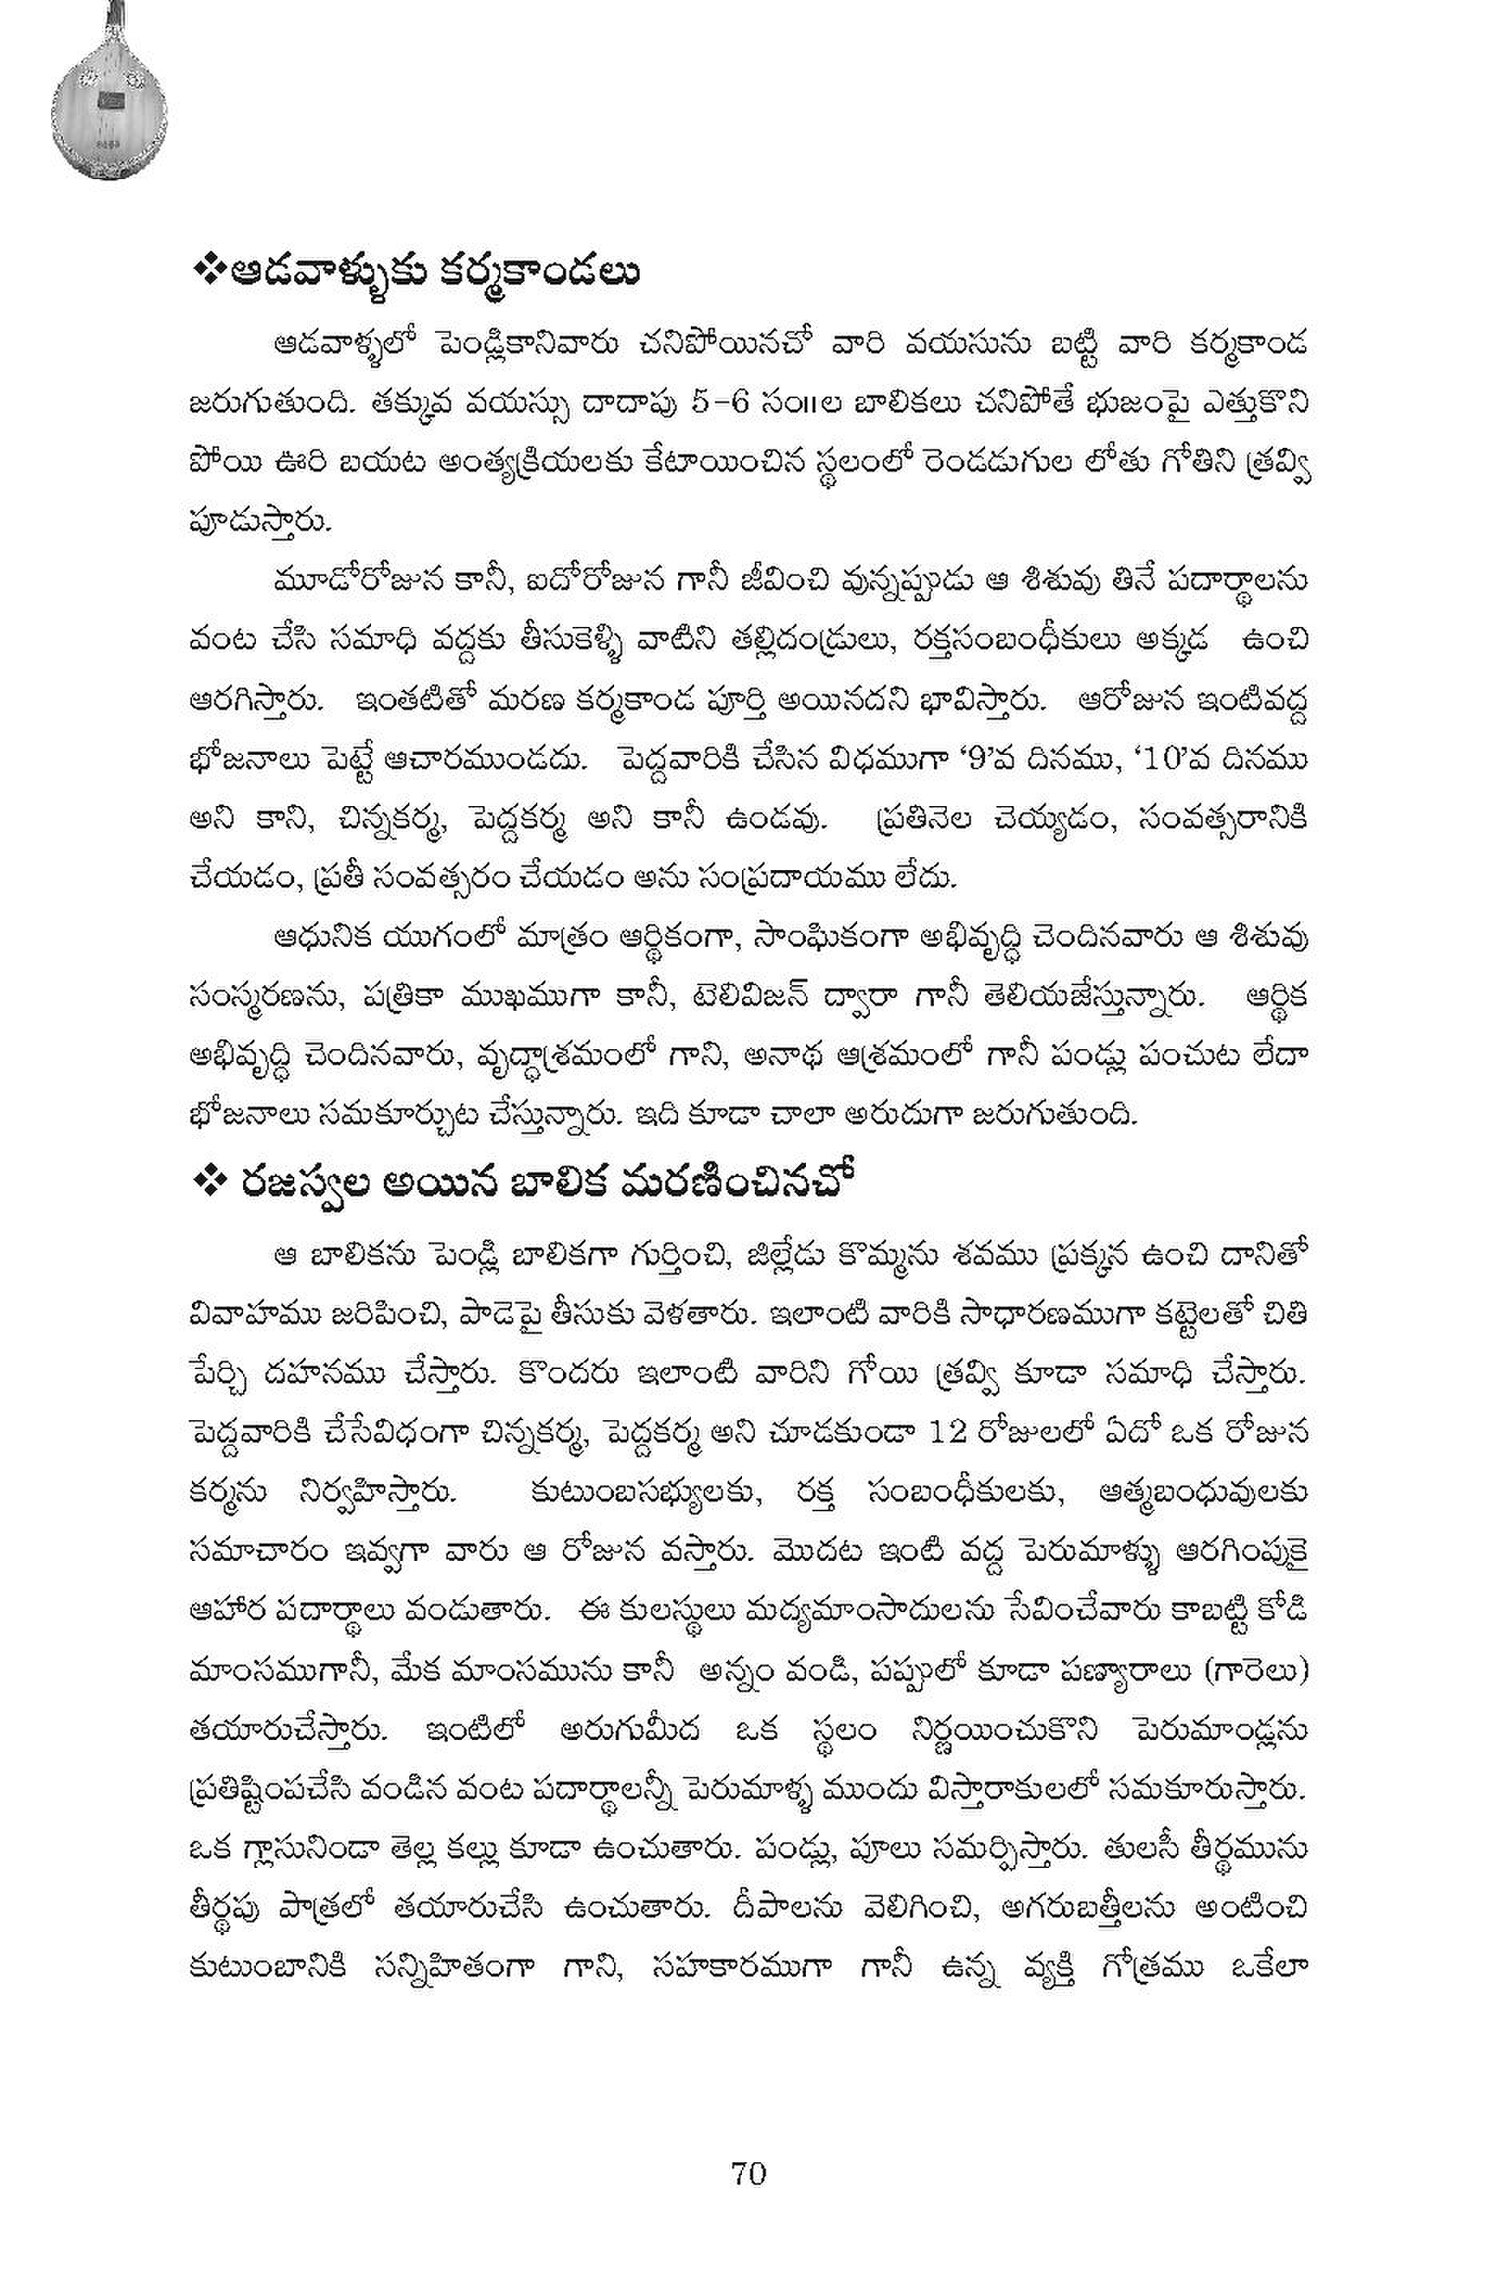ఆడవాళ్ళుకు కర్మకాండలు 

ఆడవాళ్ళలో పెండ్లికానివారు చనిపోయినచో వారి వయసును బట్టి వారి కర్మకాండ జరుగుతుంది. తక్కువ వయస్సు దాదాపు 5-6 సం॥ల బాలికలు చనిపోతే భుజంపై ఎత్తుకొని పోయి ఊరి బయట అంత్యక్రియలకు కేటాయించిన స్థలంలో రెండడుగుల లోతు గోతిని త్రవ్వి పూడుస్తారు.

మూడోరోజున కానీ, ఐదోరోజున గానీ జీవించి వున్నప్పుడు ఆ శిశువు తినే పదార్థాలను వంట చేసి సమాధి వద్దకు తీసుకెళ్ళి వాటిని తల్లిదండ్రులు, రక్తసంబంధీకులు అక్కడ ఉంచి ఆరగిస్తారు. ఇంతటితో మరణ కర్మకాండ పూర్తి అయినదని భావిస్తారు. ఆరోజున ఇంటివద్ద భోజనాలు పెట్టే ఆచారముండదు. పెద్దవారికి చేసిన విధముగా '9'వ దినము, '10'వ దినము అని కాని, చిన్నకర్మ, పెద్దకర్మ అని కానీ ఉండవు. ప్రతినెల చెయ్యడం, సంవత్సరానికి చేయడం, ప్రతీ సంవత్సరం చేయడం అను సంప్రదాయము లేదు.

ఆధునిక యుగంలో మాత్రం ఆర్థికంగా, సాంఘికంగా అభివృద్ధి చెందినవారు ఆ శిశువు సంస్మరణను, పత్రికా ముఖముగా కానీ, టెలివిజన్ ద్వారా గానీ తెలియజేస్తున్నారు. ఆర్థిక అభివృద్ధి చెందినవారు, వృద్ధాశ్రమంలో గాని, అనాథ ఆశ్రమంలో గానీ పండ్లు పంచుట లేదా భోజనాలు సమకూర్చుట చేస్తున్నారు. ఇది కూడా చాలా అరుదుగా జరుగుతుంది.

రజస్వల అయిన బాలిక మరణించినచో 

ఆ బాలికను పెండ్లి బాలికగా గుర్తించి, జిల్లేడు కొమ్మను శవము ప్రక్కన ఉంచి దానితో వివాహము జరిపించి, పాడెపై తీసుకు వెళతారు. ఇలాంటి వారికి సాధారణముగా కట్టెలతో చితి పేర్చి దహనము చేస్తారు. కొందరు ఇలాంటి వారిని గోయి త్రవ్వి కూడా సమాధి చేస్తారు. పెద్దవారికి చేసేవిధంగా చిన్నకర్మ, పెద్దకర్మ అని చూడకుండా 12 రోజులలో ఏదో ఒక రోజున
కర్మను నిర్వహిస్తారు. కుటుంబసభ్యులకు, రక్త సంబంధీకులకు, ఆత్మబంధువులకు సమాచారం ఇవ్వగా వారు ఆ రోజున వస్తారు. మొదట ఇంటి వద్ద పెరుమాళ్ళు ఆరగింపుకై ఆహార పదార్థాలు వండుతారు. ఈ కులస్థులు మద్యమాంసాదులను సేవించేవారు కాబట్టి కోడి మాంసముగానీ, మేక మాంసమును కానీ అన్నం వండి, పప్పులో కూడా పణ్యారాలు (గారెలు)
తయారుచేస్తారు. ఇంటిలో అరుగుమీద ఒక స్థలం నిర్ణయించుకొని పెరుమాండ్లను ప్రతిష్టింపచేసి వండిన వంట పదార్థాలన్నీ పెరుమాళ్ళ ముందు విస్తారాకులలో సమకూరుస్తారు. ఒక గ్లాసునిండా తెల్ల కల్లు కూడా ఉంచుతారు. పండ్లు, పూలు సమర్పిస్తారు. తులసీ తీర్థమును తీర్థపు పాత్రలో తయారుచేసి ఉంచుతారు. దీపాలను వెలిగించి, అగరుబత్తీలను అంటించి కుటుంబానికి సన్నిహితంగా గాని, సహకారముగా గానీ ఉన్న వ్యక్తి గోత్రము ఒకేలా